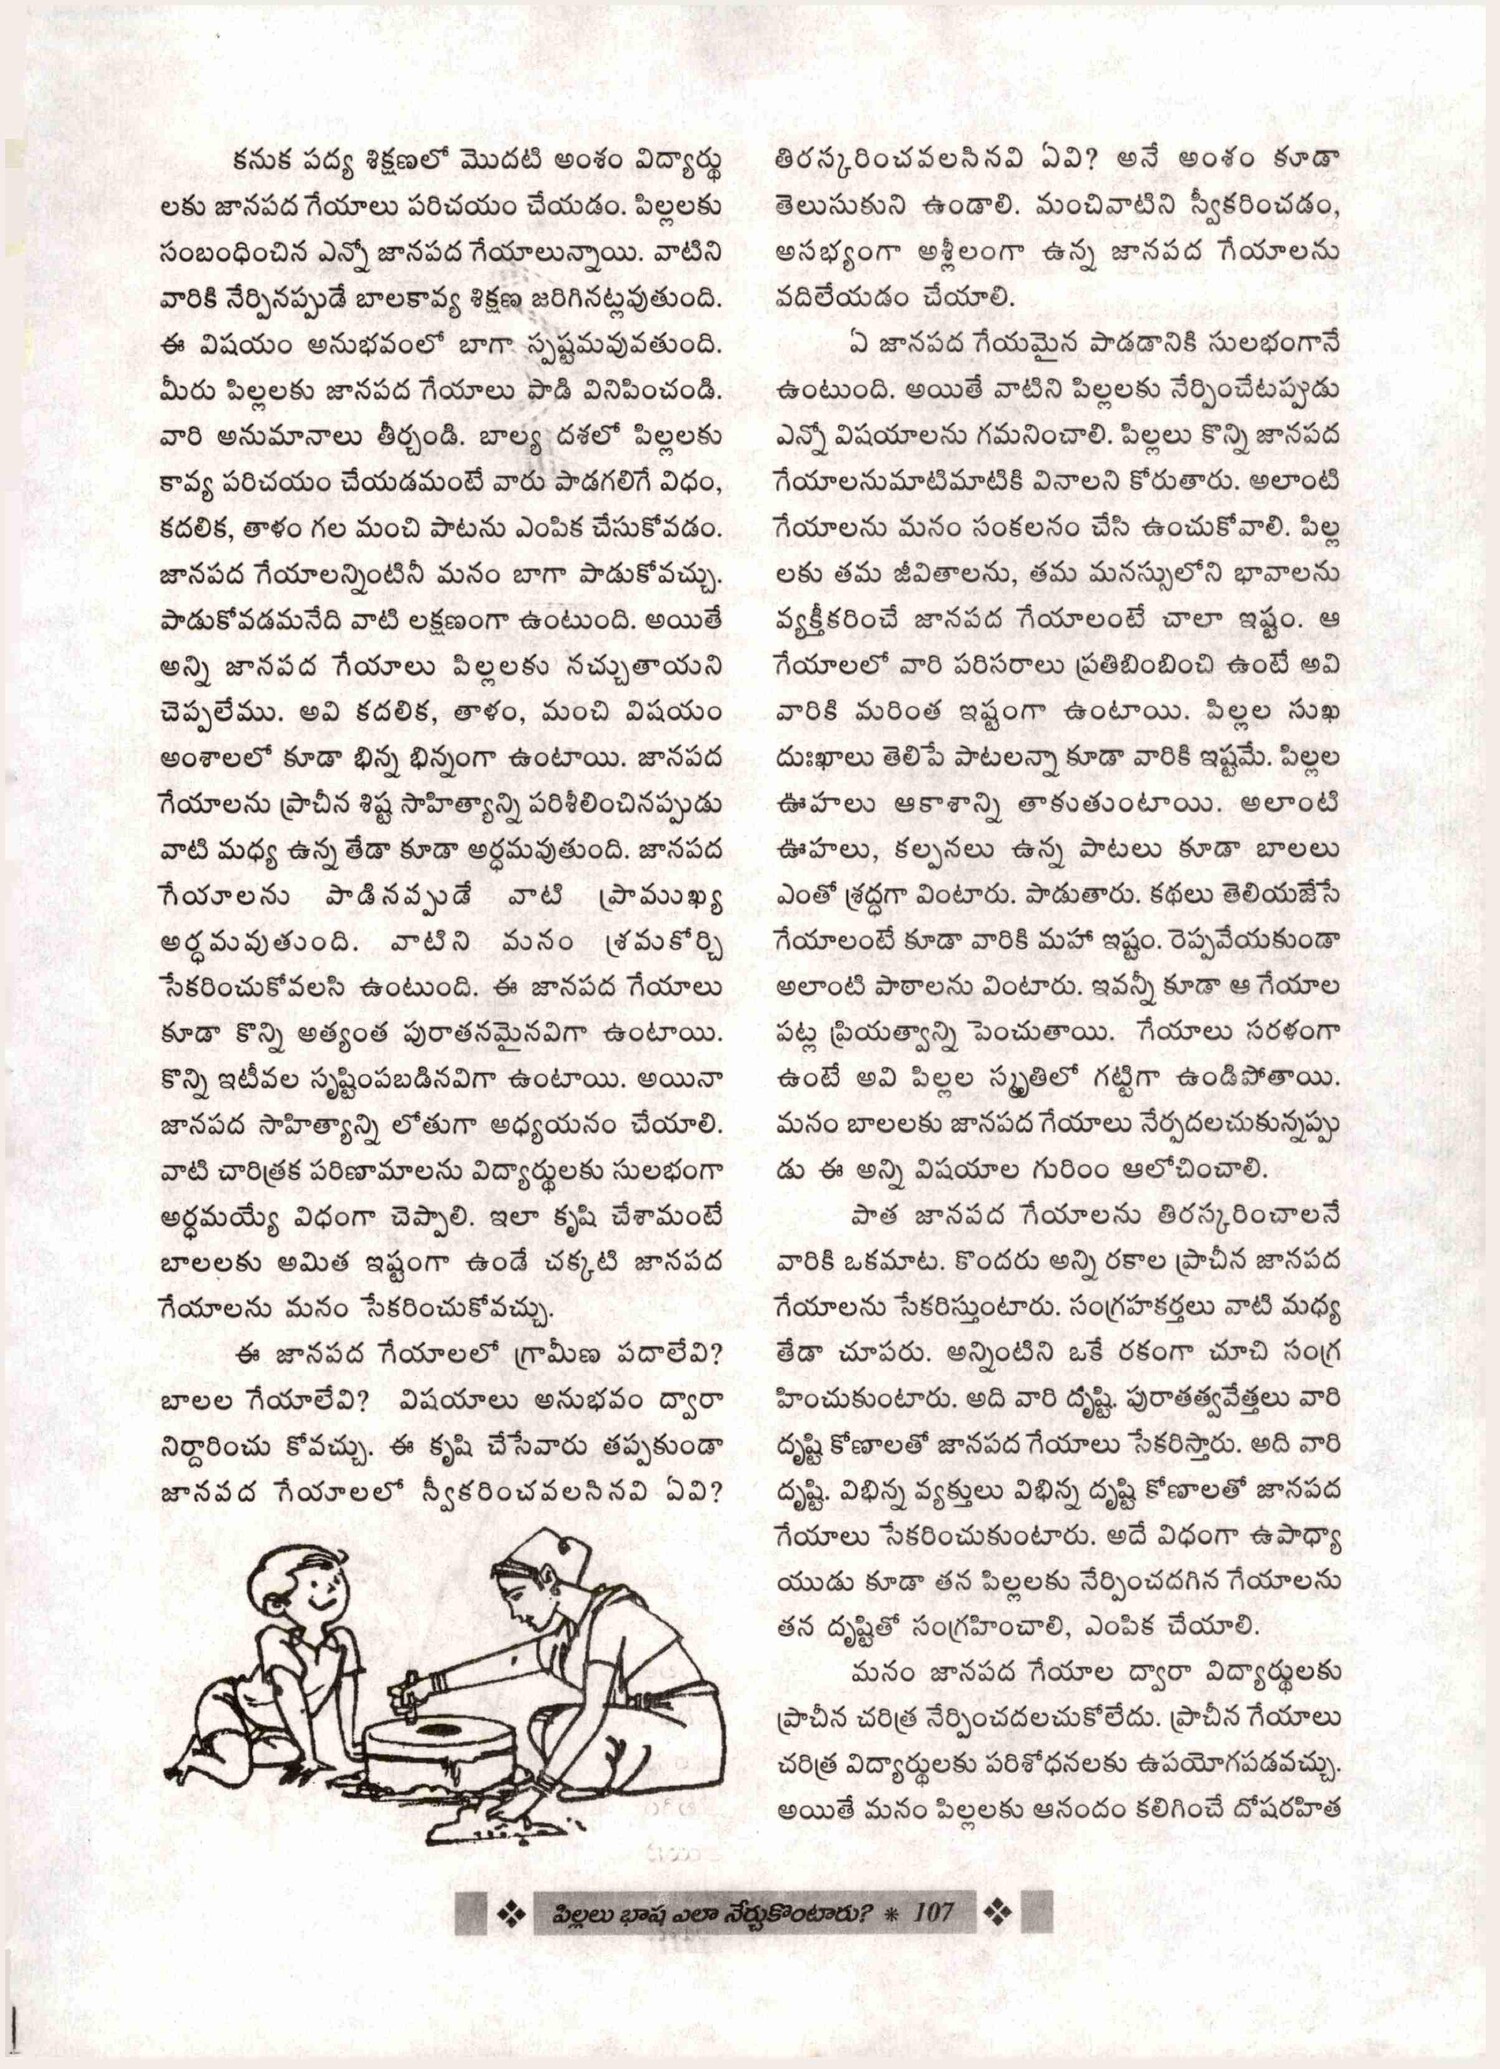కనుక పద్య శిక్షణలో మొదటి అంశం విద్యార్థులకు జానపద గేయాలు పరిచయం చేయడం. పిల్లలకు సంబంధించిన ఎన్నో జానపద గేయాలున్నాయి. వాటిని వారికి నేర్పినప్పుడే బాలకావ్య శిక్షణ జరిగినట్లవుతుంది. ఈ విషయం అనుభవంలో బాగా స్పష్టమవువతుంది. మీరు పిల్లలకు జానపద గేయాలు పాడి వినిపించండి. వారి అనుమానాలు తీర్చండి. బాల్య దశలో పిల్లలకు కావ్య పరిచయం చేయడమంటే వారు పాడగలిగే విధం, కదలిక, తాళం గల మంచి పాటను ఎంపిక చేసుకోవడం. జానపద గేయాలన్నింటినీ మనం బాగా పాడుకోవచ్చు. పాడుకోవడమనేది వాటి లక్షణంగా ఉంటుంది. అయితే అన్ని జానపద గేయాలు పిల్లలకు నచ్చుతాయని చెప్పలేము. అవి కదలిక, తాళం, మంచి విషయం అంశాలలో కూడా భిన్న భిన్నంగా ఉంటాయి. జానపద గేయాలను ప్రాచీన శిష్ట సాహిత్యాన్ని పరిశీలించినప్పుడు వాటి మధ్య ఉన్న తేడా కూడా అర్ధమవుతుంది. జానపద గేయాలను పాడినప్పుడే వాటి ప్రాముఖ్య అర్ధమవుతుంది. వాటిని మనం శ్రమకోర్చి సేకరించుకోవలసి ఉంటుంది. ఈ జానపద గేయాలు కూడా కొన్ని అత్యంత పురాతనమైనవిగా ఉంటాయి. కొన్ని ఇటీవల సృష్టింపబడినవిగా ఉంటాయి. అయినా జానపద సాహిత్యాన్ని లోతుగా అధ్యయనం చేయాలి. వాటి చారిత్రక పరిణామాలను విద్యార్థులకు సులభంగా అర్ధమయ్యే విధంగా చెప్పాలి. ఇలా కృషి చేశామంటే బాలలకు అమిత ఇష్టంగా ఉండే చక్కటి జానపద గేయాలను మనం సేకరించుకోవచ్చు.

ఈ జానపద గేయాలలో గ్రామీణ పదాలేవి? బాలల గేయాలేవి? విషయాలు అనుభవం ద్వారా నిర్దారించు కోవచ్చు. ఈ కృషి చేసేవారు తప్పకుండా జానపద గేయాలలో స్వీకరించవలసినవి ఏవి? తిరస్కరించవలసినవి ఏవి? అనే అంశం కూడా తెలుసుకుని ఉండాలి. మంచివాటిని స్వీకరించడం, అసభ్యంగా అశ్లీలంగా ఉన్న జానపద గేయాలను
వదిలేయడం చేయాలి.

ఏ జానపద గేయమైన పాడడానికి సులభంగానే ఉంటుంది. అయితే వాటిని పిల్లలకు నేర్పించేటప్పుడు ఎన్నో విషయాలను గమనించాలి. పిల్లలు కొన్ని జానపద గేయాలనుమాటిమాటికి వినాలని కోరుతారు. అలాంటి గేయాలను మనం సంకలనం చేసి ఉంచుకోవాలి. పిల్లలకు తమ జీవితాలను, తమ మనస్సులోని భావాలను వ్యక్తీకరించే జానపద గేయాలంటే చాలా ఇష్టం. ఆ గేయాలలో వారి పరిసరాలు ప్రతిబింబించి ఉంటే అవి వారికి మరింత ఇష్టంగా ఉంటాయి. పిల్లల సుఖదుఃఖాలు తెలిపే పాటలన్నా కూడా వారికి ఇష్టమే. పిల్లల ఊహలు ఆకాశాన్ని తాకుతుంటాయి. అలాంటి ఊహలు, కల్పనలు ఉన్న పాటలు కూడా బాలలు ఎంతో శ్రద్ధగా వింటారు. పాడుతారు. కథలు తెలియజేసే గేయాలంటే కూడా వారికి మహా ఇష్టం. రెప్పవేయకుండా అలాంటి పాఠాలను వింటారు. ఇవన్నీ కూడా ఆ గేయాల పట్ల ప్రియత్వాన్ని పెంచుతాయి. గేయాలు సరళంగా ఉంటే అవి పిల్లల స్మృతిలో గట్టిగా ఉండిపోతాయి. మనం బాలలకు జానపద గేయాలు నేర్పదలచుకున్నప్పుడు ఈ అన్ని విషయాల గురించి ఆలోచించాలి.

పాత జానపద గేయాలను తిరస్కరించాలనే వారికి ఒకమాట. కొందరు అన్ని రకాల ప్రాచీన జానపద గేయాలను సేకరిస్తుంటారు. సంగ్రహకర్తలు వాటి మధ్య తేడా చూపరు. అన్నింటిని ఒకే రకంగా చూచి సంగ్రహించుకుంటారు. అది వారి దృష్టి. పురాతత్వవేత్తలు వారి దృష్టి కోణాలతో జానపద గేయాలు సేకరిస్తారు. అది వారి దృష్టి. విభిన్న వ్యక్తులు విభిన్న దృష్టి కోణాలతో జానపద గేయాలు సేకరించుకుంటారు. అదే విధంగా ఉపాధ్యాయుడు కూడా తన పిల్లలకు నేర్పించదగిన గేయాలను తన దృష్టితో సంగ్రహించాలి, ఎంపిక చేయాలి.

మనం జానపద గేయాల ద్వారా విద్యార్థులకు ప్రాచీన చరిత్ర నేర్పించదలచుకోలేదు. ప్రాచీన గేయాలు చరిత్ర విద్యార్థులకు పరిశోధనలకు ఉపయోగపడవచ్చు. అయితే మనం పిల్లలకు ఆనందం కలిగించే దోషరహిత